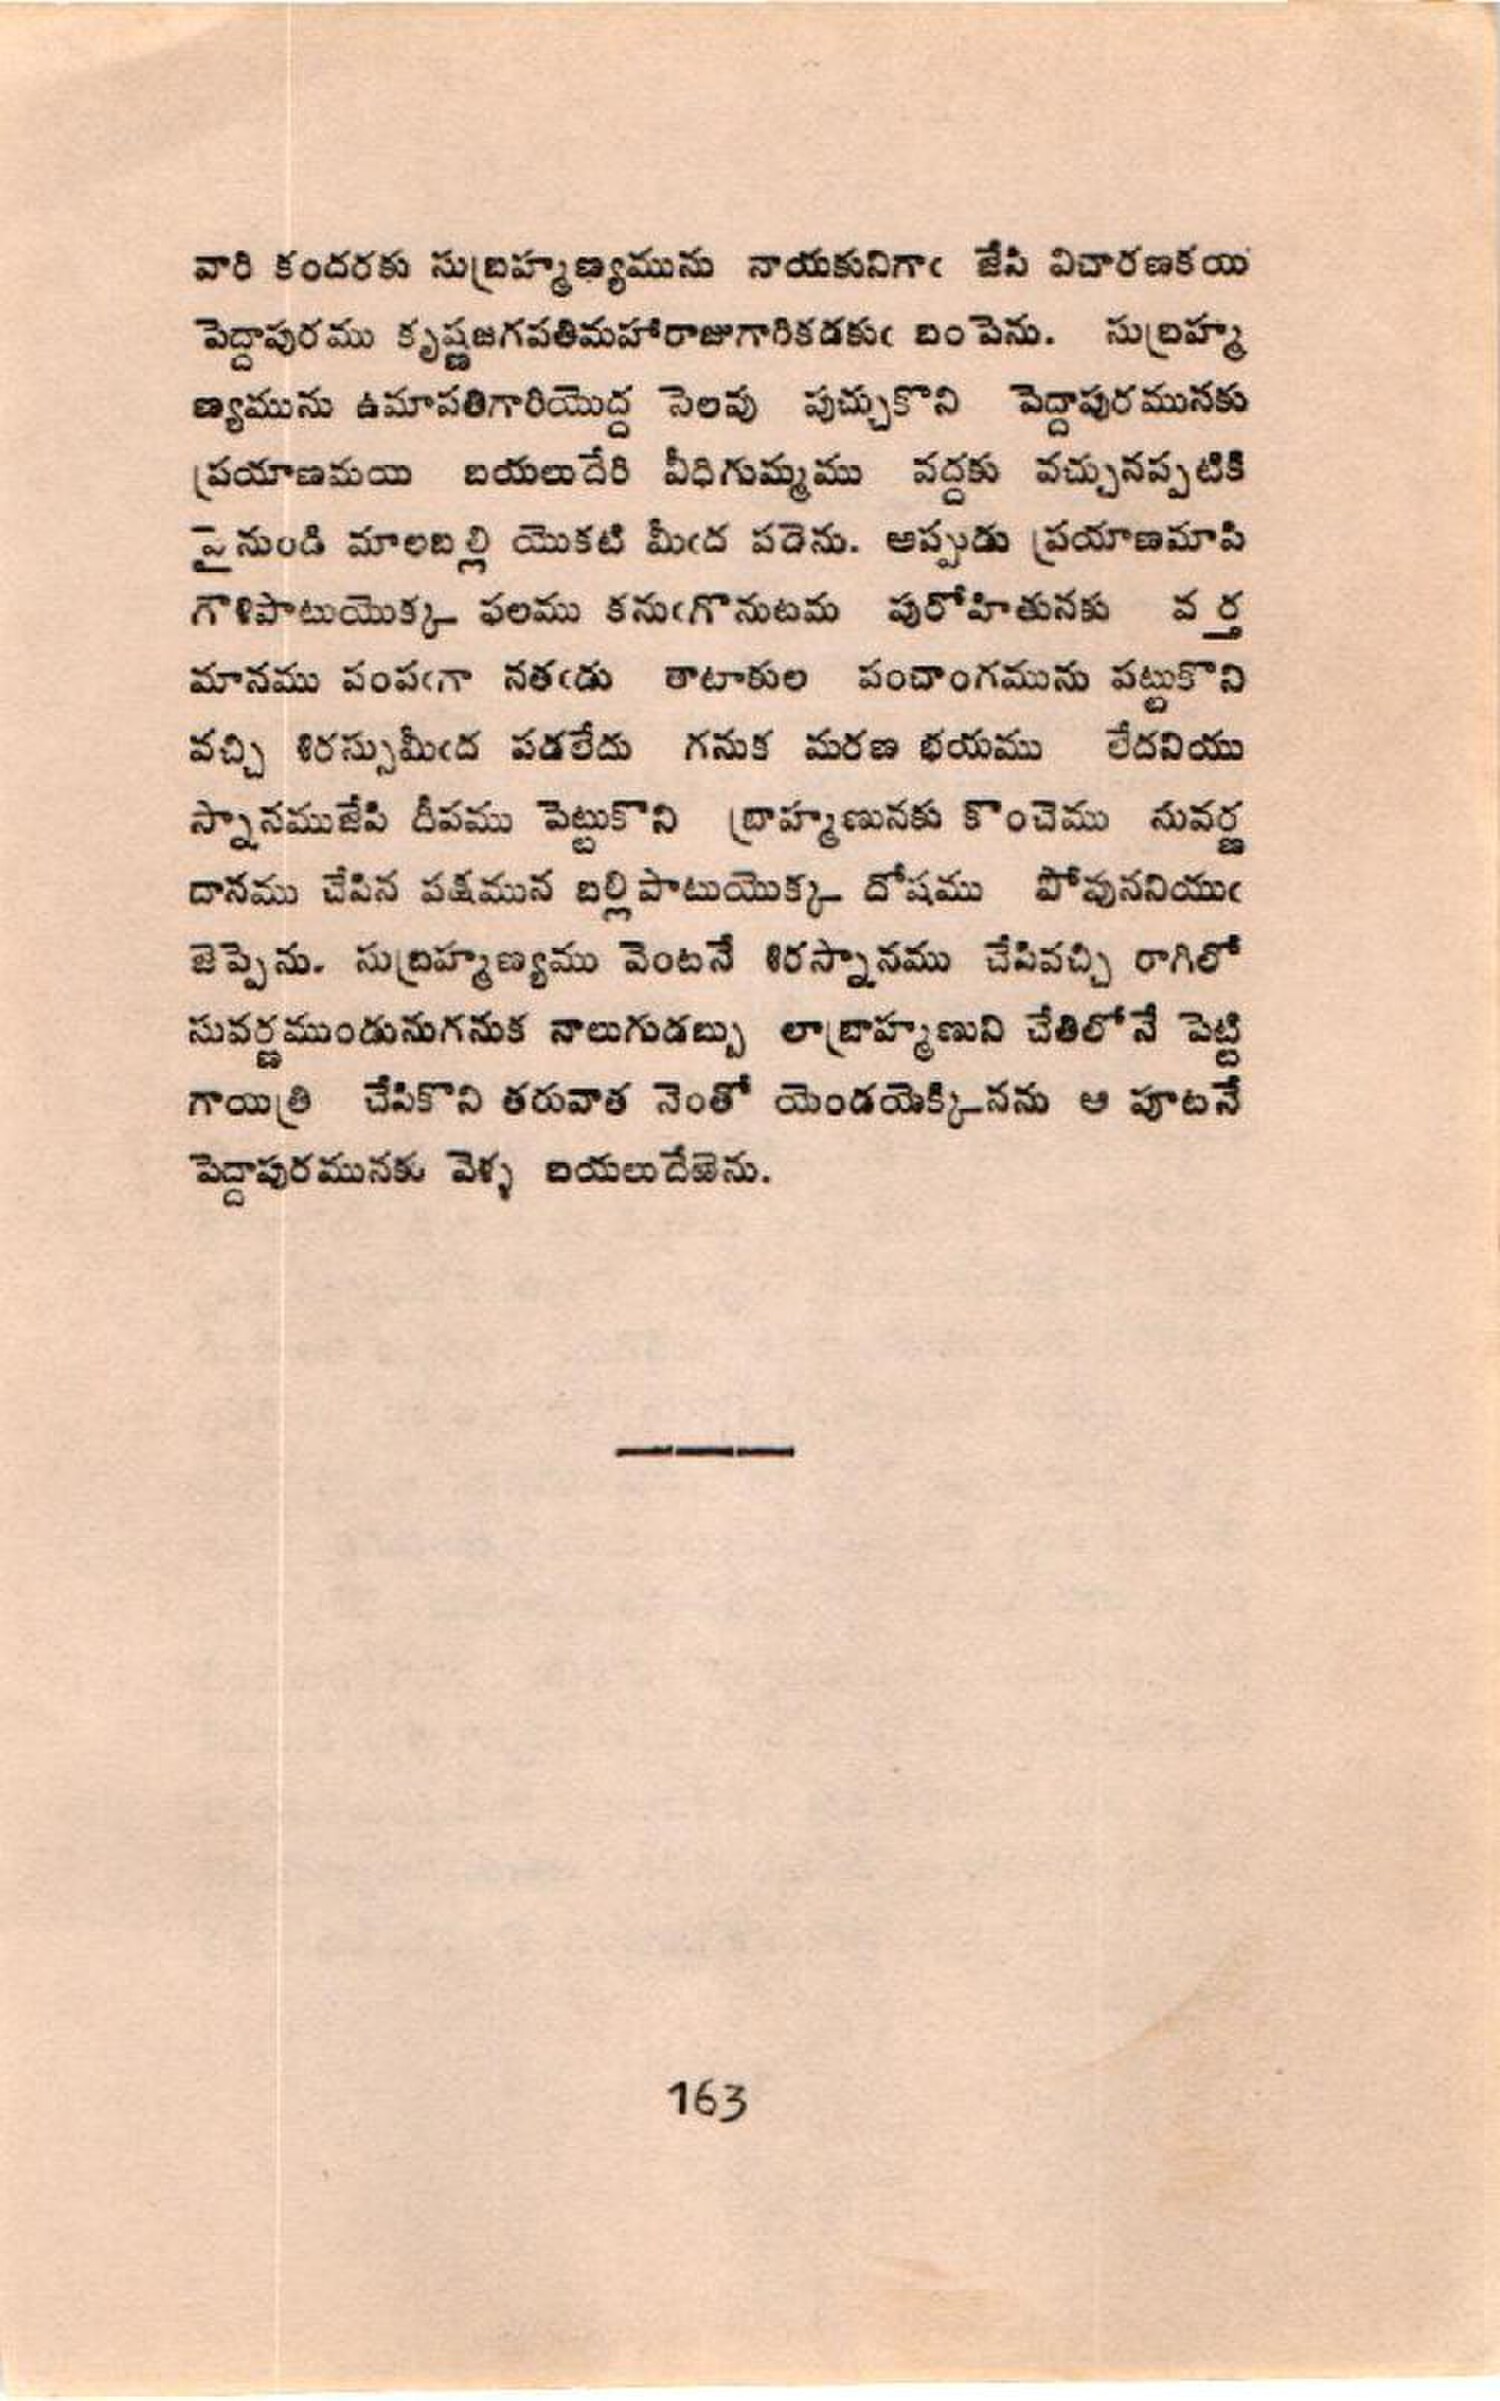వారి కందరకు సుబ్రహ్మణ్యమును నాయకునిగాఁ జేసి విచారణకయి పెద్దాపురము కృష్ణజగపతిమహారాజుగారికడకుఁ బంపెను. సుబ్రహ్మ ణ్యమును ఉమాపతిగారియొద్ద సెలవు పుచ్చుకొని పెద్దాపురమునకు ప్రయాణమయి బయలుదేరి వీధి గుమ్మము వద్దకు వచ్చునప్పటికి పైనుండి మాలబల్లి యొకటి మీఁద పడెను. అప్పుడు ప్రయాణమాపి గౌళిపాటుయొక్క ఫలము కనుగొనుటమ పురోహితునకు వర్త మానము పంపఁగా నతఁడు తాటాకుల పంచాంగమును పట్టుకొని వచ్చి శిరస్సుమీఁద పడలేదు గనుక మరణ భయము లేదనియు స్నానముజేసి దీపము పెట్టుకొని బ్రాహ్మణునకు కొంచెము సువర్ణ దానము చేసిన పక్షమున బల్లి పాటుయొక్క దోషము పోవుననియుఁ జెప్పెను. సుబ్రహ్మణ్యము వెంటనే శిరస్నానము చేసివచ్చి రాగిలో సువర్ణముండునుగనుక నాలుగుడబ్బు లాబ్రాహ్మణుని చేతిలోనే పెట్టి గాయిత్రి చేసికొని తరువాత నెంతో యెండయెక్కినను ఆ పూటనే పెద్దాపురమునకు వెళ్ళ బయలుదేఱెను.